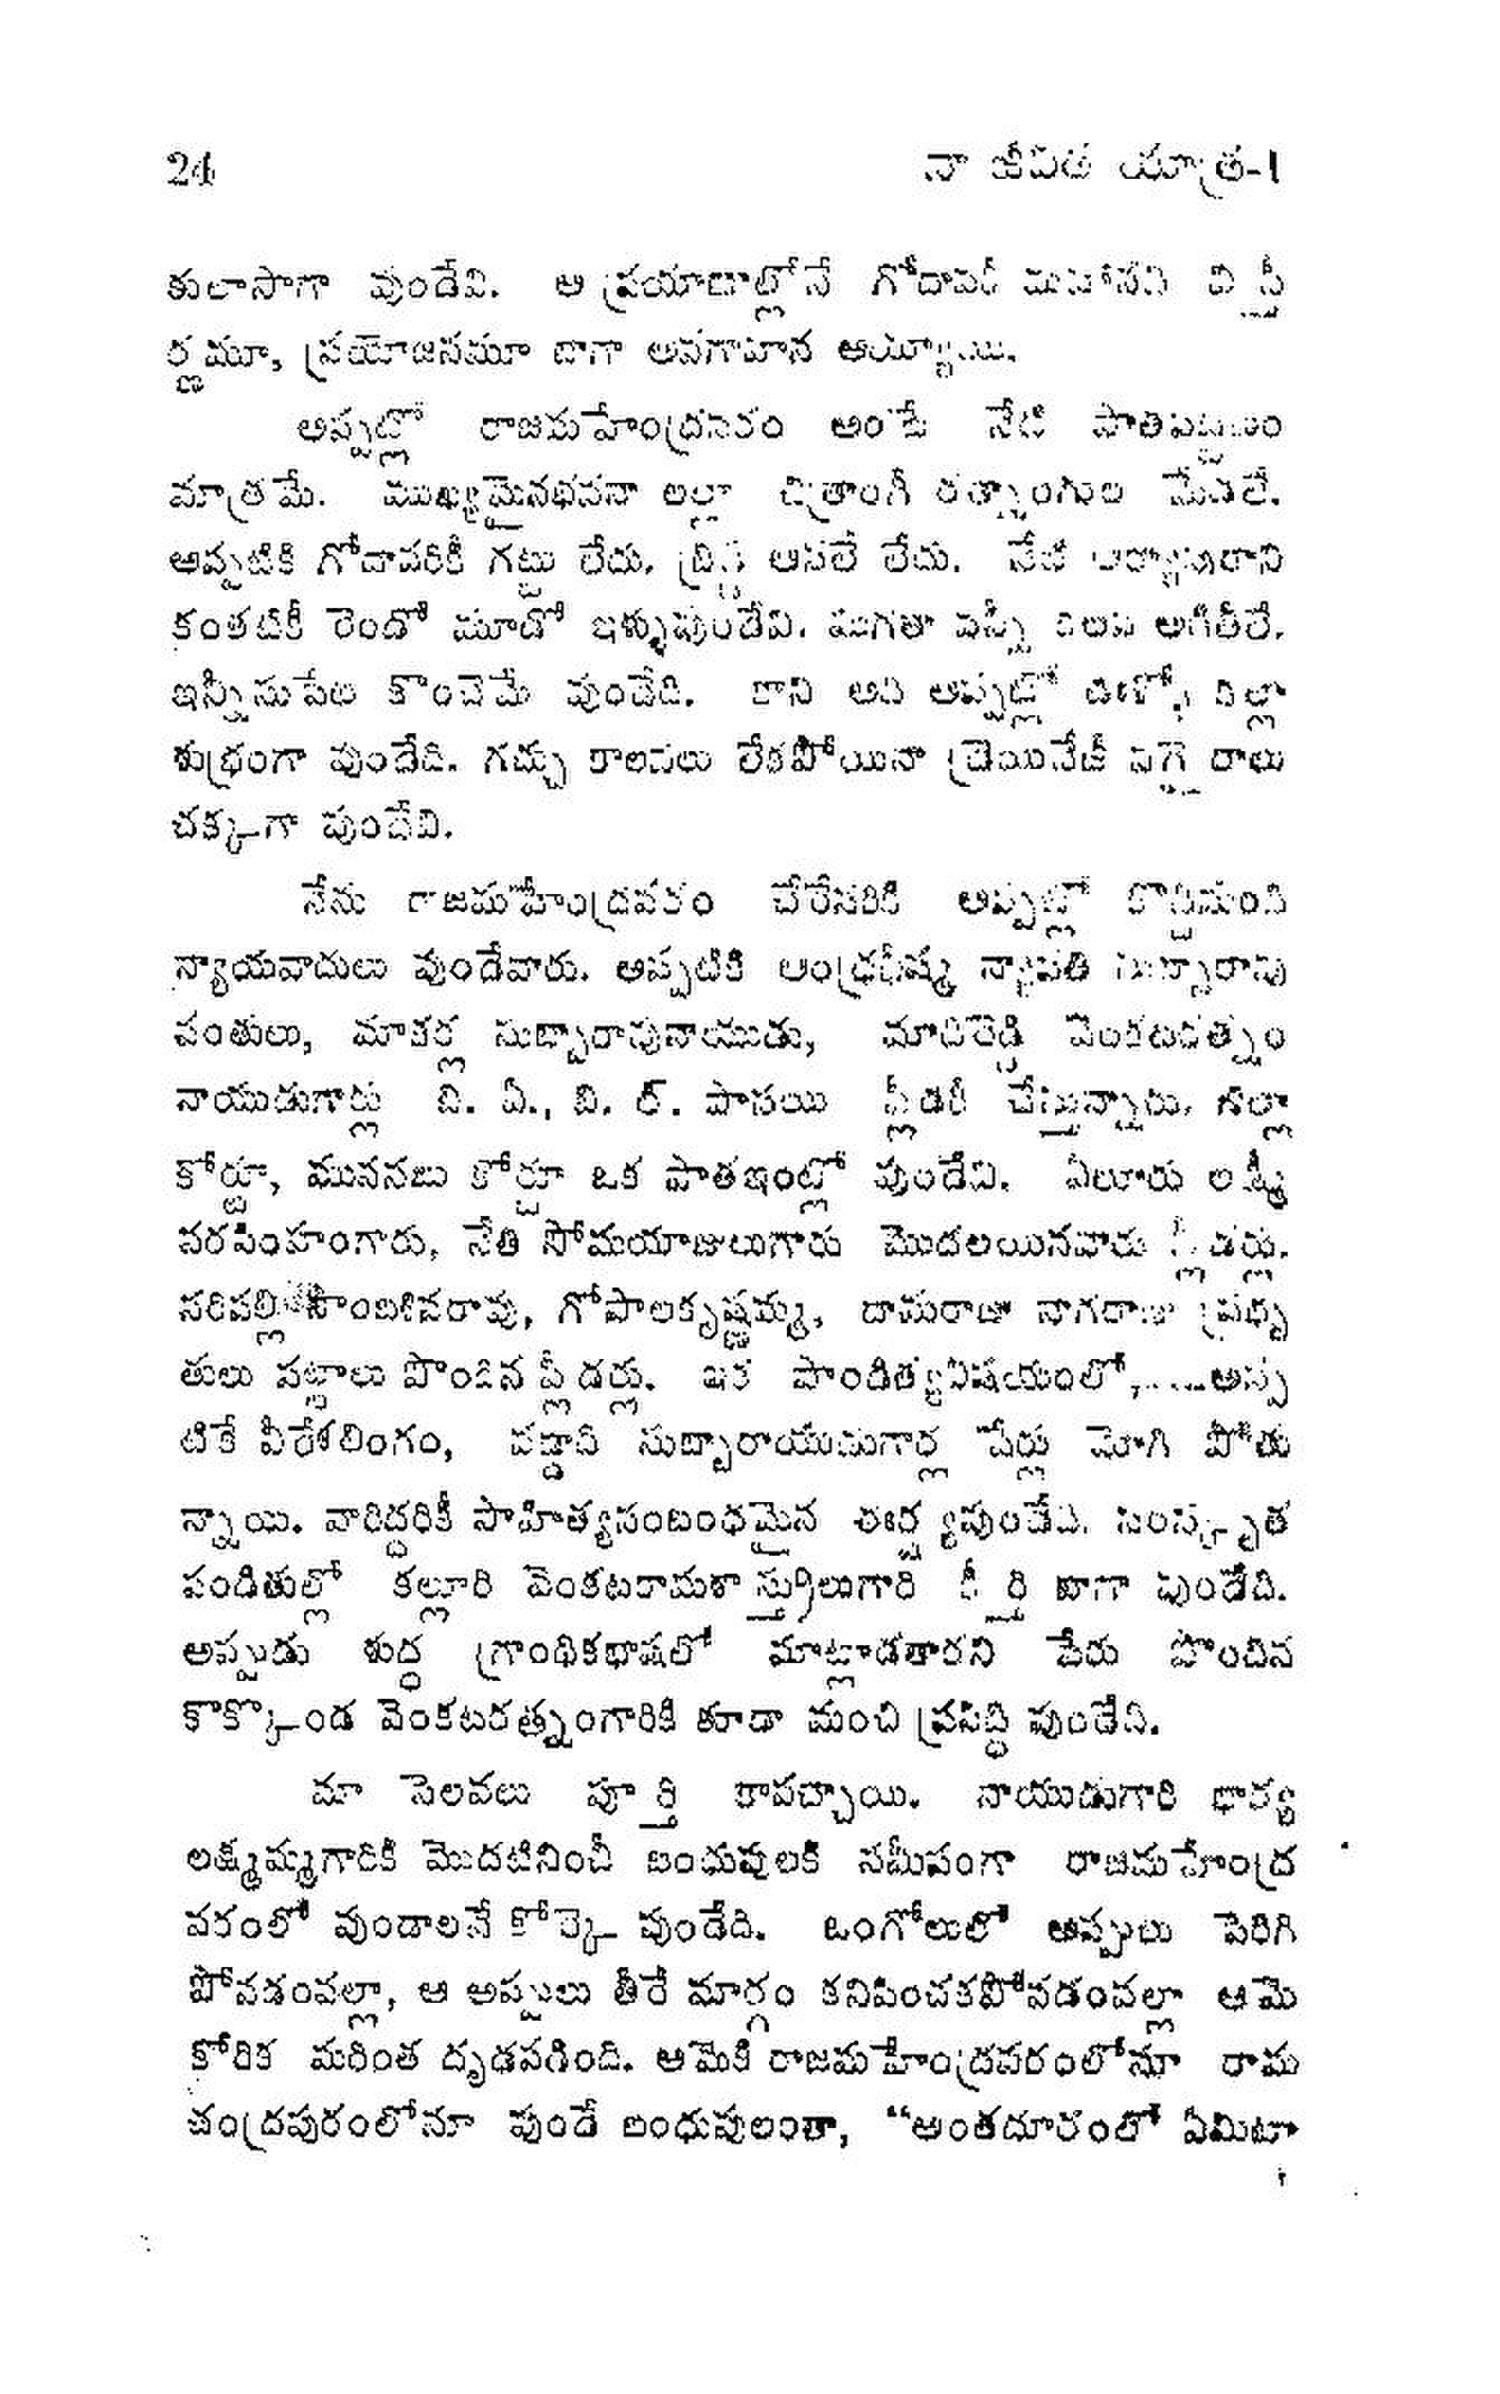కులాసాగా వుండేవి. ఆ ప్రయాణాల్లోనే గోదావరి మహానది విస్తీర్ణమూ, ప్రయోజనమూ బాగా అవగాహన అయ్యాయి.

అప్పట్లో రాజమహేంద్రవరం అంటే నేటి పాతపట్టణం మాత్రమే. ముఖ్యమైన భవనాలల్లా చిత్రాంగీ రత్నాంగుల మేడలే. అప్పటికీ గోదావరి గట్టు లేదు. బ్రిడ్జి అసలే లేదు. నేటి ఆర్యాపురానికంతటికీ రెండో మూడో ఇళ్ళు ఉండేవి. మిగతావన్నీ కలప అగితీలే. ఇన్నీసుపేట కొంచెమే వుండేది. గచ్చు కాలవలు లేకపోయినా డ్రెయినేజీ వగైరాలు చక్కగా వుండేవి.

నేను రాజమహేంద్రవరం చేరేసరికి అప్పట్లో కొద్దిమంది న్యాయవాదులు వుండేవారు. అప్పటికి ఆంధ్రభీష్మ న్యాపతి సుబ్బారావు పంతులు, మాతర్ల సుబ్బారావు నాయుడు, మాదిరెడ్డి వెంకటరత్నం నాయుడుగార్లు బి.ఏ, బి.ఎల్ పాసయి ప్లీడరీ చేస్తున్నారు. జిల్లా కోర్టు, మునసబు కోర్టూ ఒక పాత ఇంట్లో వుండేవి. ఏలూరు రాజ్యలక్ష్మీ నరసింహంగారు, నేతి సోమయాజులుగారు మొదలయిన వారు ప్లీడర్లు. సరిపల్లి సాంబశివరావు, గోపాలకృష్ణమ్మ, దామరాజు నాగరాజు ప్రభృతులు పట్టాలు పొందిన ప్లీడర్లు. ఇక పాండిత్య విషయంలో, అప్పటికే వీరేశలింగం, వడ్డాది సుబ్బారాయుడుగార్ల పేర్లు మోగి పోతున్నాయి. వారిద్దరికీ సాహిత్యసంబంధమైన ఈర్ష్య వుండేది. సంస్కృత పండితుల్లో కల్లూరి వెంకటరామశాస్త్రులుగారి కీర్తి బాగా వుండేది. అప్పుడు శుద్ధ గ్రాంథిక భాషలో మాట్లాడతారని పేరుపొందిన కొక్కొండ వెంకటరత్నం గారికి కూడా మంచి ప్రసిద్ధి వుండేది.

మా సెలవలు పూర్తి కావచ్చాయి. నాయుడుగారి భార్య లక్ష్మమ్మగారికి మొదటినించీ బంధువులకి సమీపంగా రాజమహేంద్రవరంలో వుండాలనే కోర్కె వుండేది. ఒంగోలులో అప్పులు పెరిగిపోవడం వల్లా, ఆ అప్పులు తీరే మార్గం కనిపించకపోవడం వల్లా ఆమె కోరిక మరింత దృఢపడింది. ఆమెకి రాజమహేంద్రవరంలోనూ రామచంద్రపురంలోనూ వుండే బంధువులంతా, "అంతదూరంలో ఏమిటా